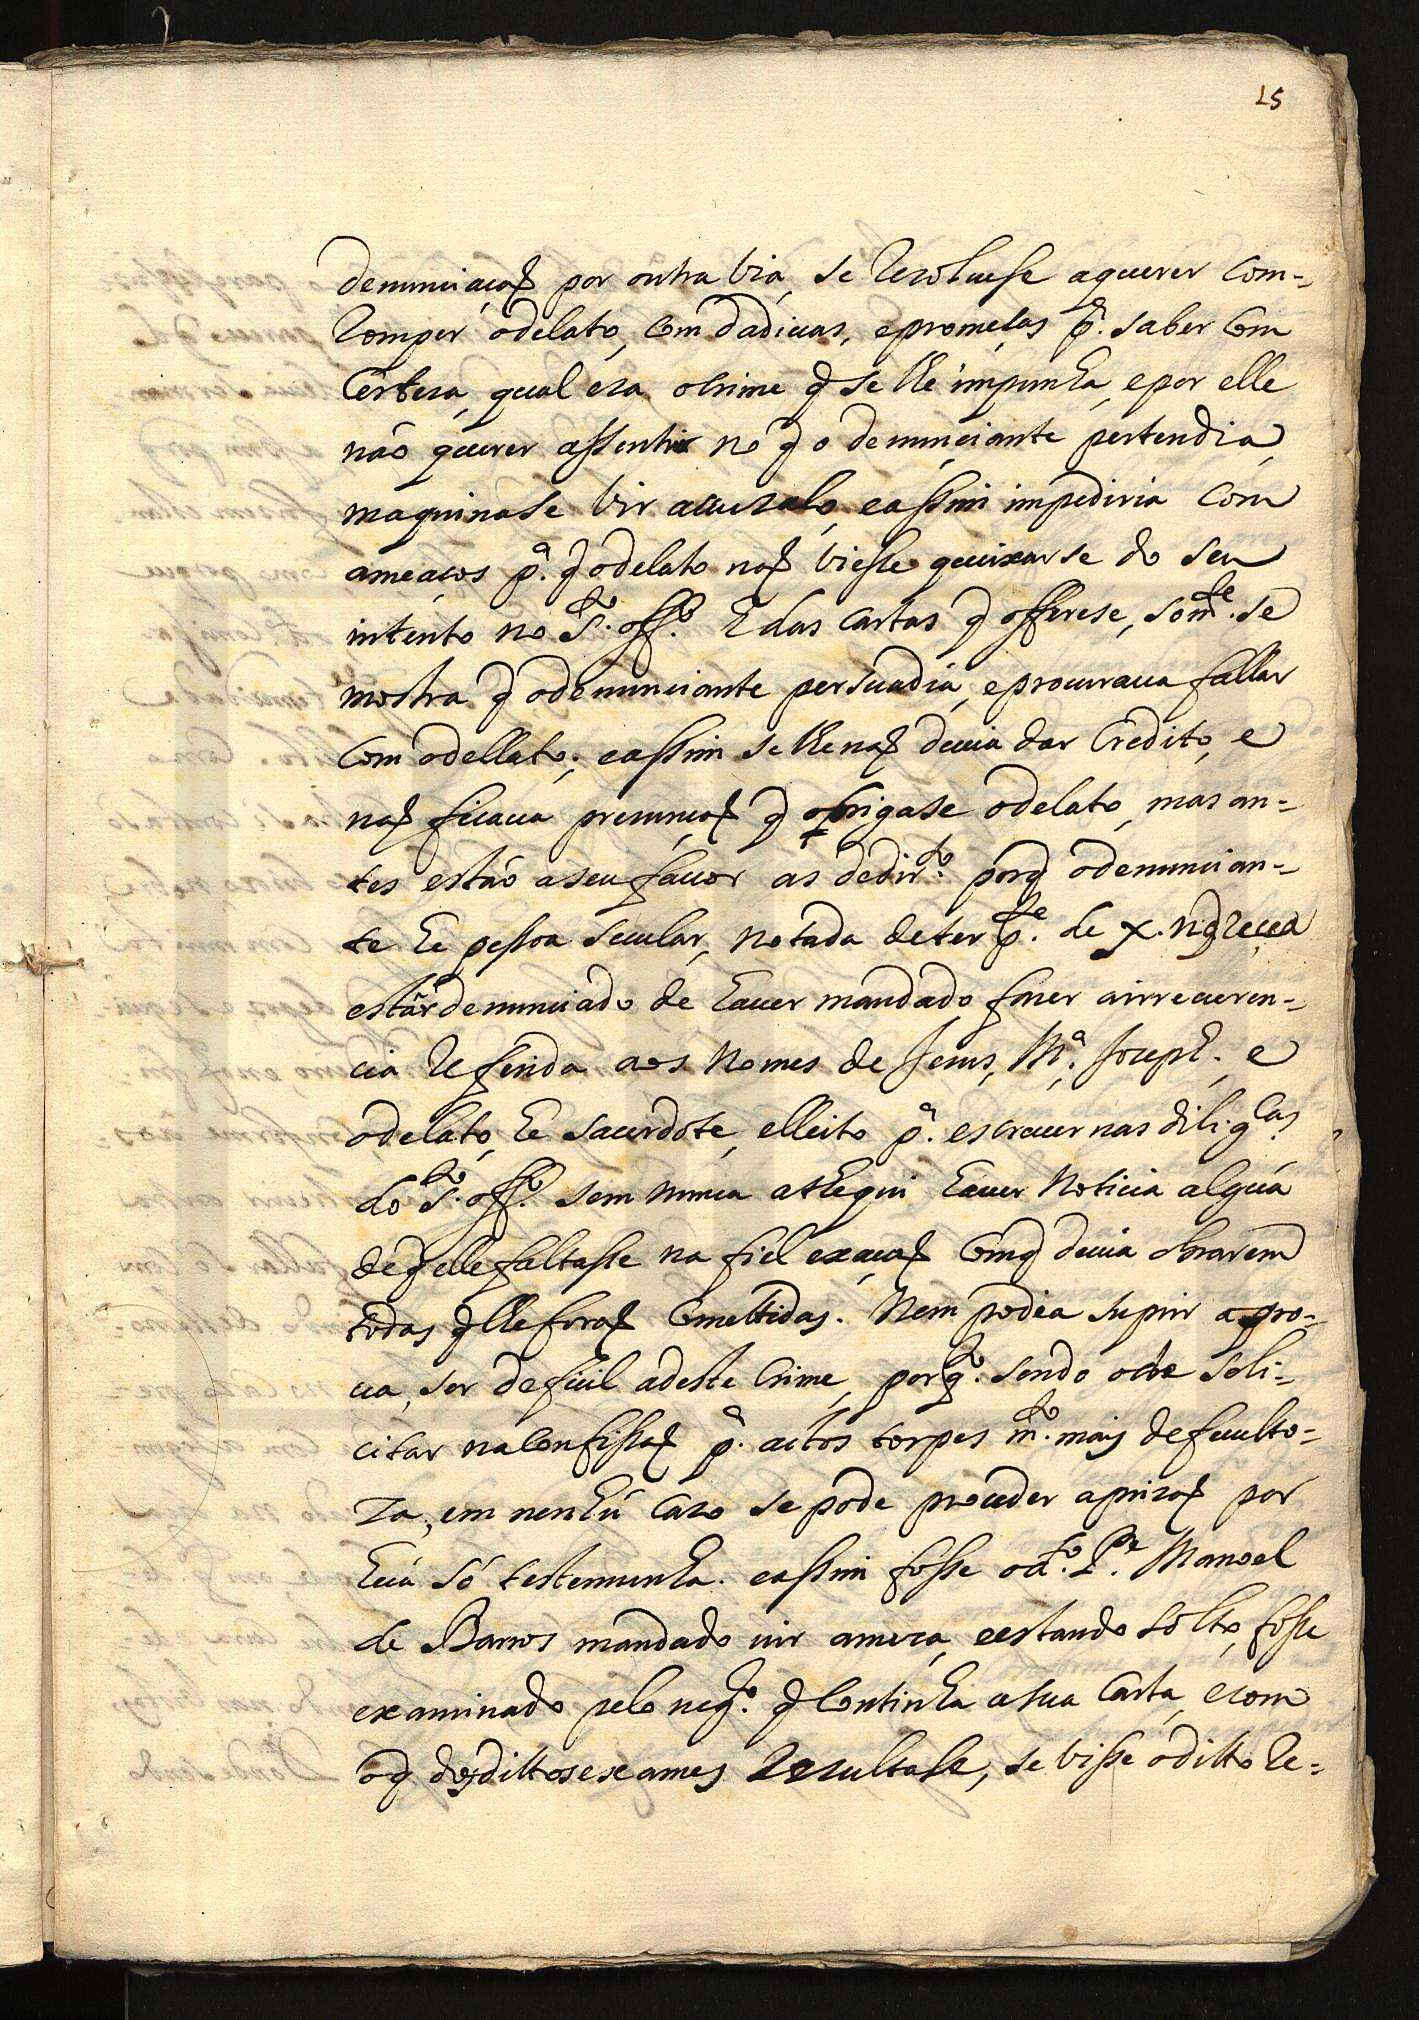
denunciaçaõ por outra via, se Resolvese a querer Com
Romper o delato, Com dadiuas, e promeças p̄o. saber Com
Certeza, qual era o crime q̄ se lhe impunha, e por elle
naõ querer assentir no q̄ o denunçiante pertendia,
maquinase vir accuzalo, e assim impediria Com
ameaças pa. q̄ o delato naõ viesse queixarse do seu
intento no sto. off.o E das Cartas q̄ offerese, somte. se
mostra q̄ o denunciante persuadia, e procuraua fallar
Com o dellato, e assim se lhe naõ deuia dar Credito, e
naõ ficaua presunçaõ q̄ obrigase o delato, mas an
tes estaõ a seu fauor as de dirto. porq̄ o denuncian
te he pessoa secular, notada de ter pte. de x. n q̄ reçea
estâr denunciado de hauer mandado fazer a irreueren
cia Referida aos nomes de Jesus, M.a, Jozeph. e
o delato, he sacerdote, elleito p.a escreuer nas diligcas.
do sto. off.o sem nunca athe qui hauer noticia alguā
de q̄ elle faltasse na fiel exaçaõ Com q̄ deuia obrar em
todas q̄ lhe foraõ Comettidas. nem podia suprir a pro
ua, ser deficil a deste Crime, porqto. sendo o de soli
citar na confissaõ pa. actos torpes mto. mais defeculto
Za, em nenhū̄ Cazo se pode proceder a prizaõ por
huā só testemunha. e assim fosse o do. P.e Manoel
de Barros mandado uir a meza, e estando solto, fosse
examinado pelo neg.co q̄ Continha a sua Carta, e com
o q̄ dos dittos exames Rezultase, se visse o ditto Re
